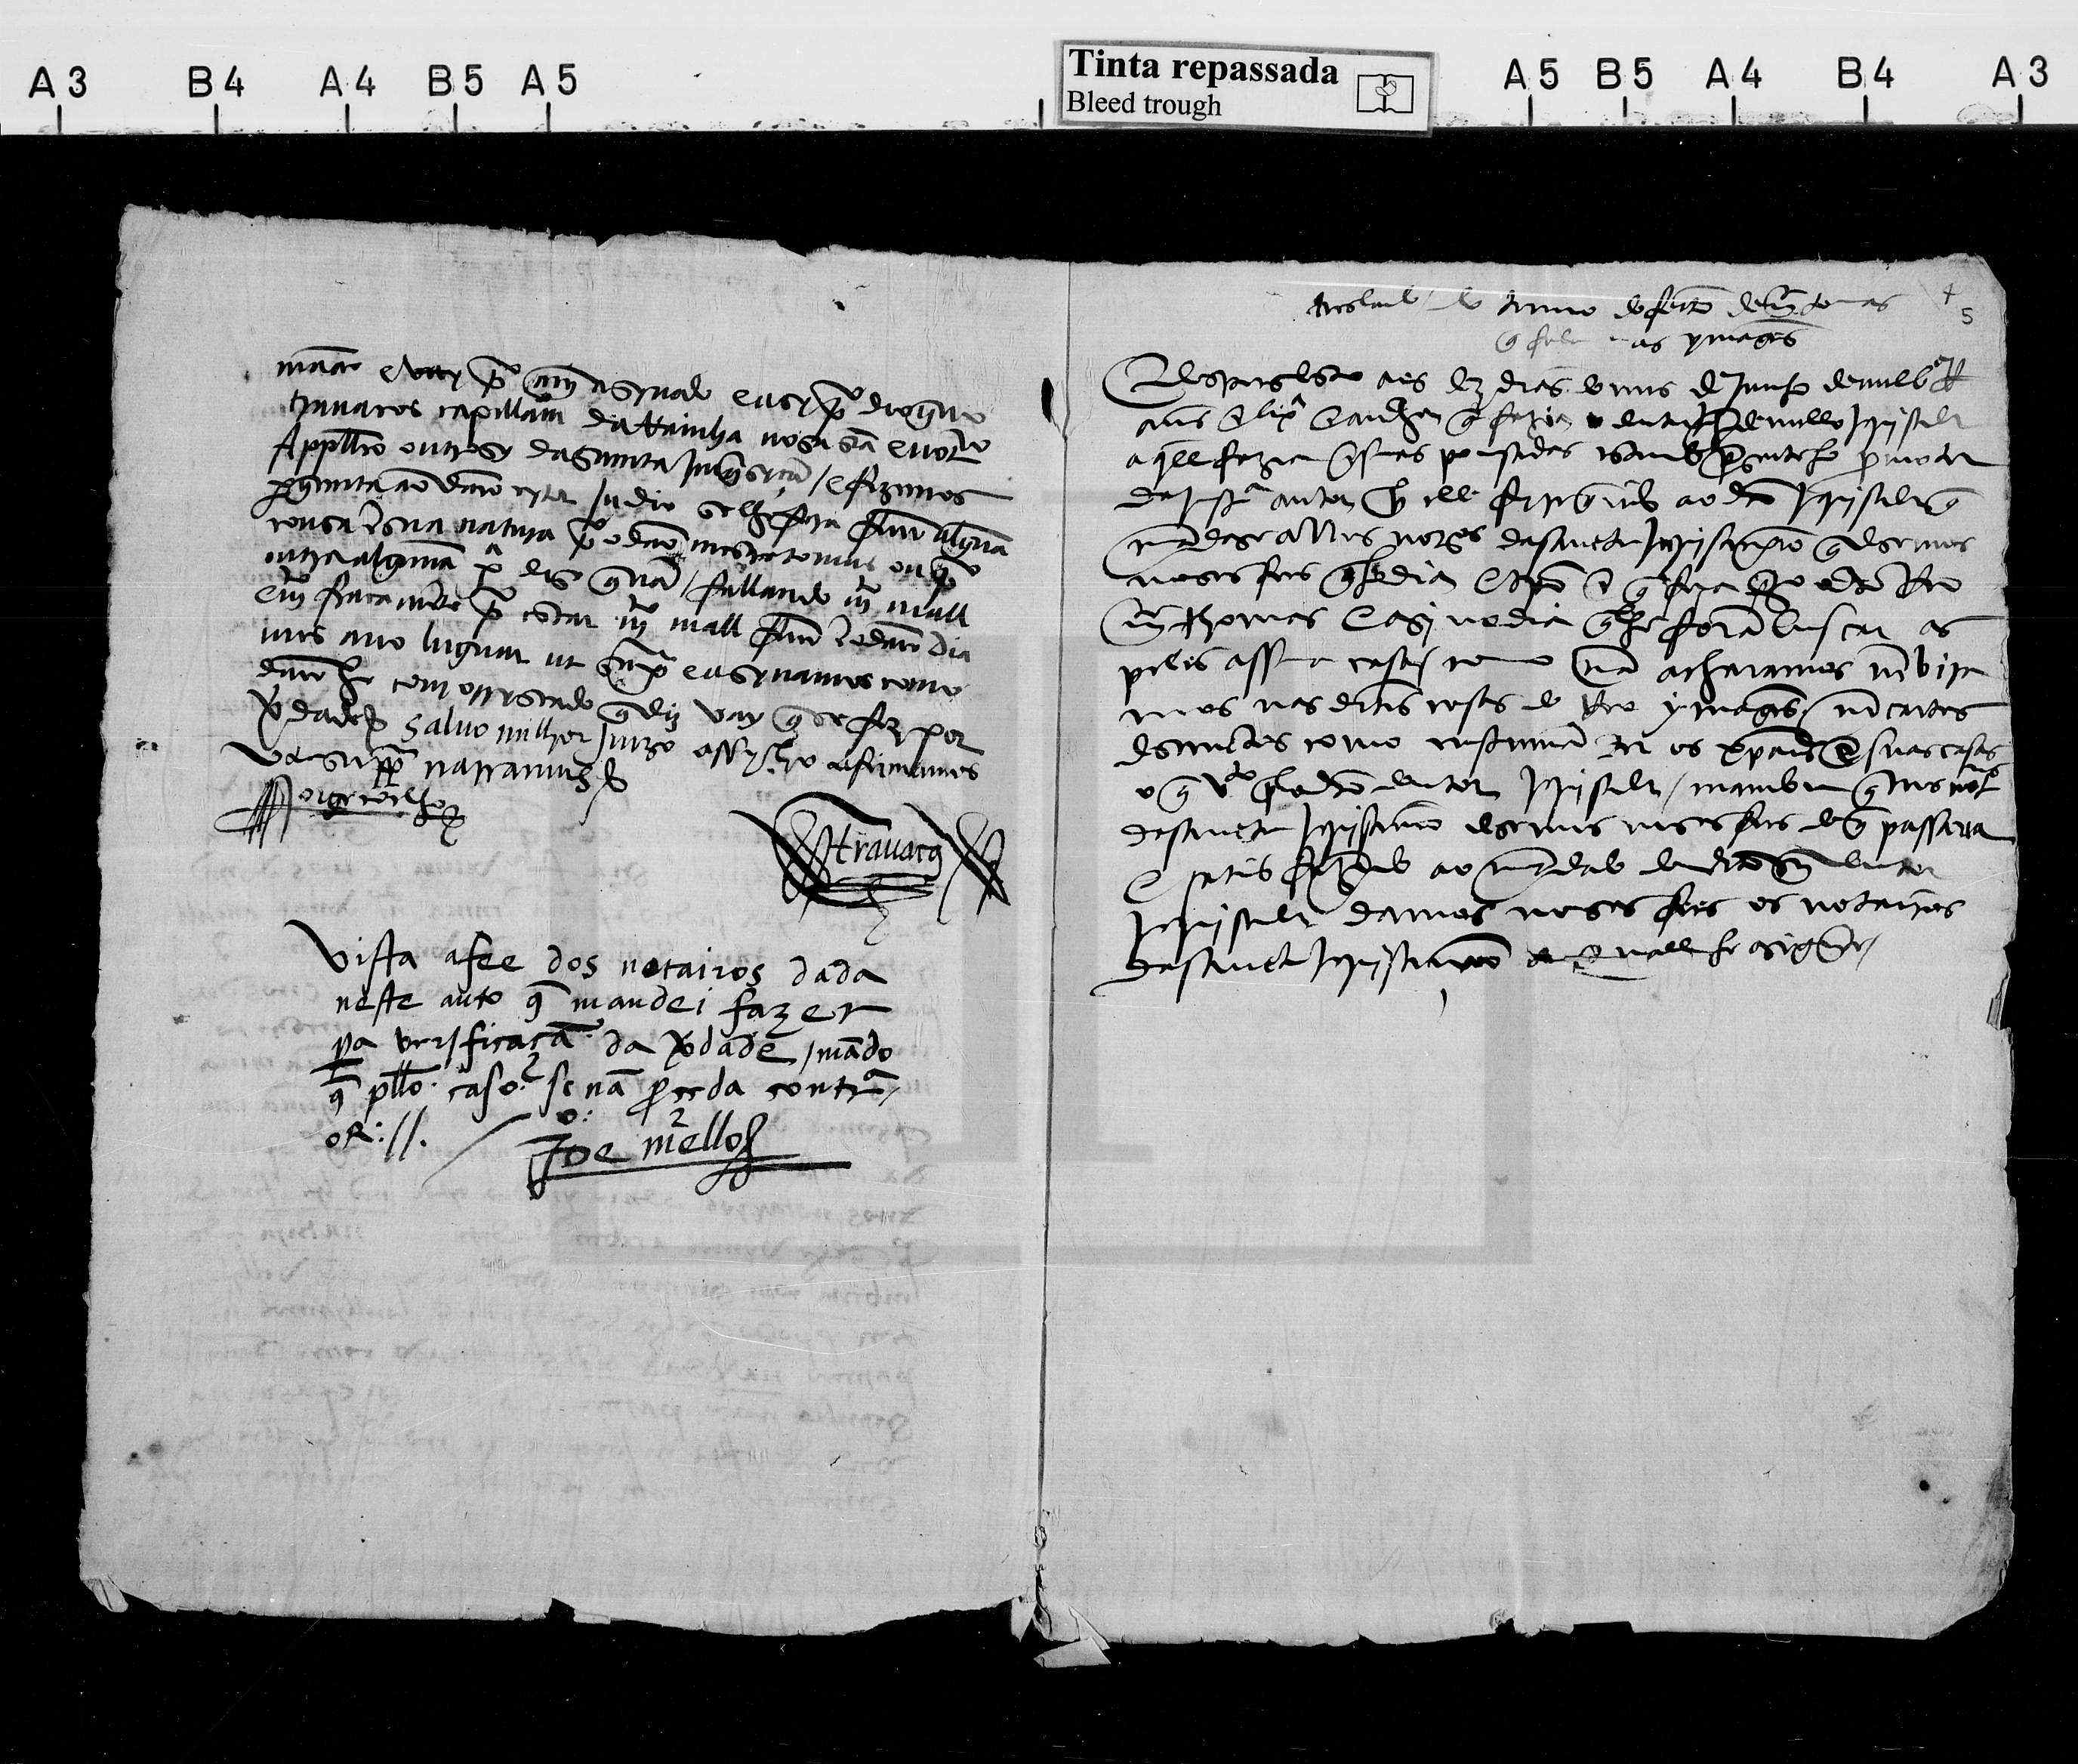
mãao e vay p̄o m̄y asynado e asy p̄o dioguo
trauaços capellam da Rainha nosa sr̄a e notro
App̄llco outrosy da samta Jmq̄syçā / e fizemos
ꝑgunta ao ditto eytor Jndio se lhe fora feito al̄gua
cousa ē sua natura p̄o o dito mestre tomas ou p̄o
outra algūua pa dise q̄ nā / fallando mto mall
e mto fracamēte p̄o estar mto mall feito ē o dito dia
mes ano luguar ut sup̄ e asynamos como
dito he com o rryscado q̄ diz vay q̄ se fez por
ꝟdade saluo milhor Juizo assy ho afirmamos
vt sup̄p narramus
Jorge coelho
trauacꝯ
Vista a fee dos notairos dada
neste auto q̄ mandei fazer
ꝑa verjficaçā da ꝟdade / mādo
q̄ pl̄lo. caso se nā ꝓceda contra /
o R://.
Jo de mello
treslado do termo do feito de mte tomas
q̄ fala nas ymaḡes
E despoes desto aos dez dias do mes de Junho de mil bc R
an̄s ē lixa ē audja q̄ fazia o doutor Joh̄ de mello Jnqujsidor
a q̄ll fazia ē suas pousadas estado p̄sente ho ꝓmotor
da Justa autor p̄o elle foj req̄rido ao dt̄o Jnqujsidor q̄
mādase a Nos notros da sancta Jnqujsição q̄ desemos
nosas fees q̄ ho dia e tpo ē q̄ fora p̄so o dtō Reo
mte thomas e asy no dia q̄ lhe forā buscar as
peles a ssua casas como nā acharamos nē vira
mos nas ditas casas do Reo ymaḡes / nē cartas
de samctos como custumā ter os xpãos ē suas casas
o q̄ vto p̄lo dt̄o doutor Jnqujsidor / mandou q̄ nos notros
da sancta Jnqujsição desemos nosas fees do q̄ passara
e satisfaz̄edo ao mādado do dito s̄r doutor
Jnqujsidor damos nosas fees os notairos
da sancta Jnqujsição a quall he a seguj̄te/
